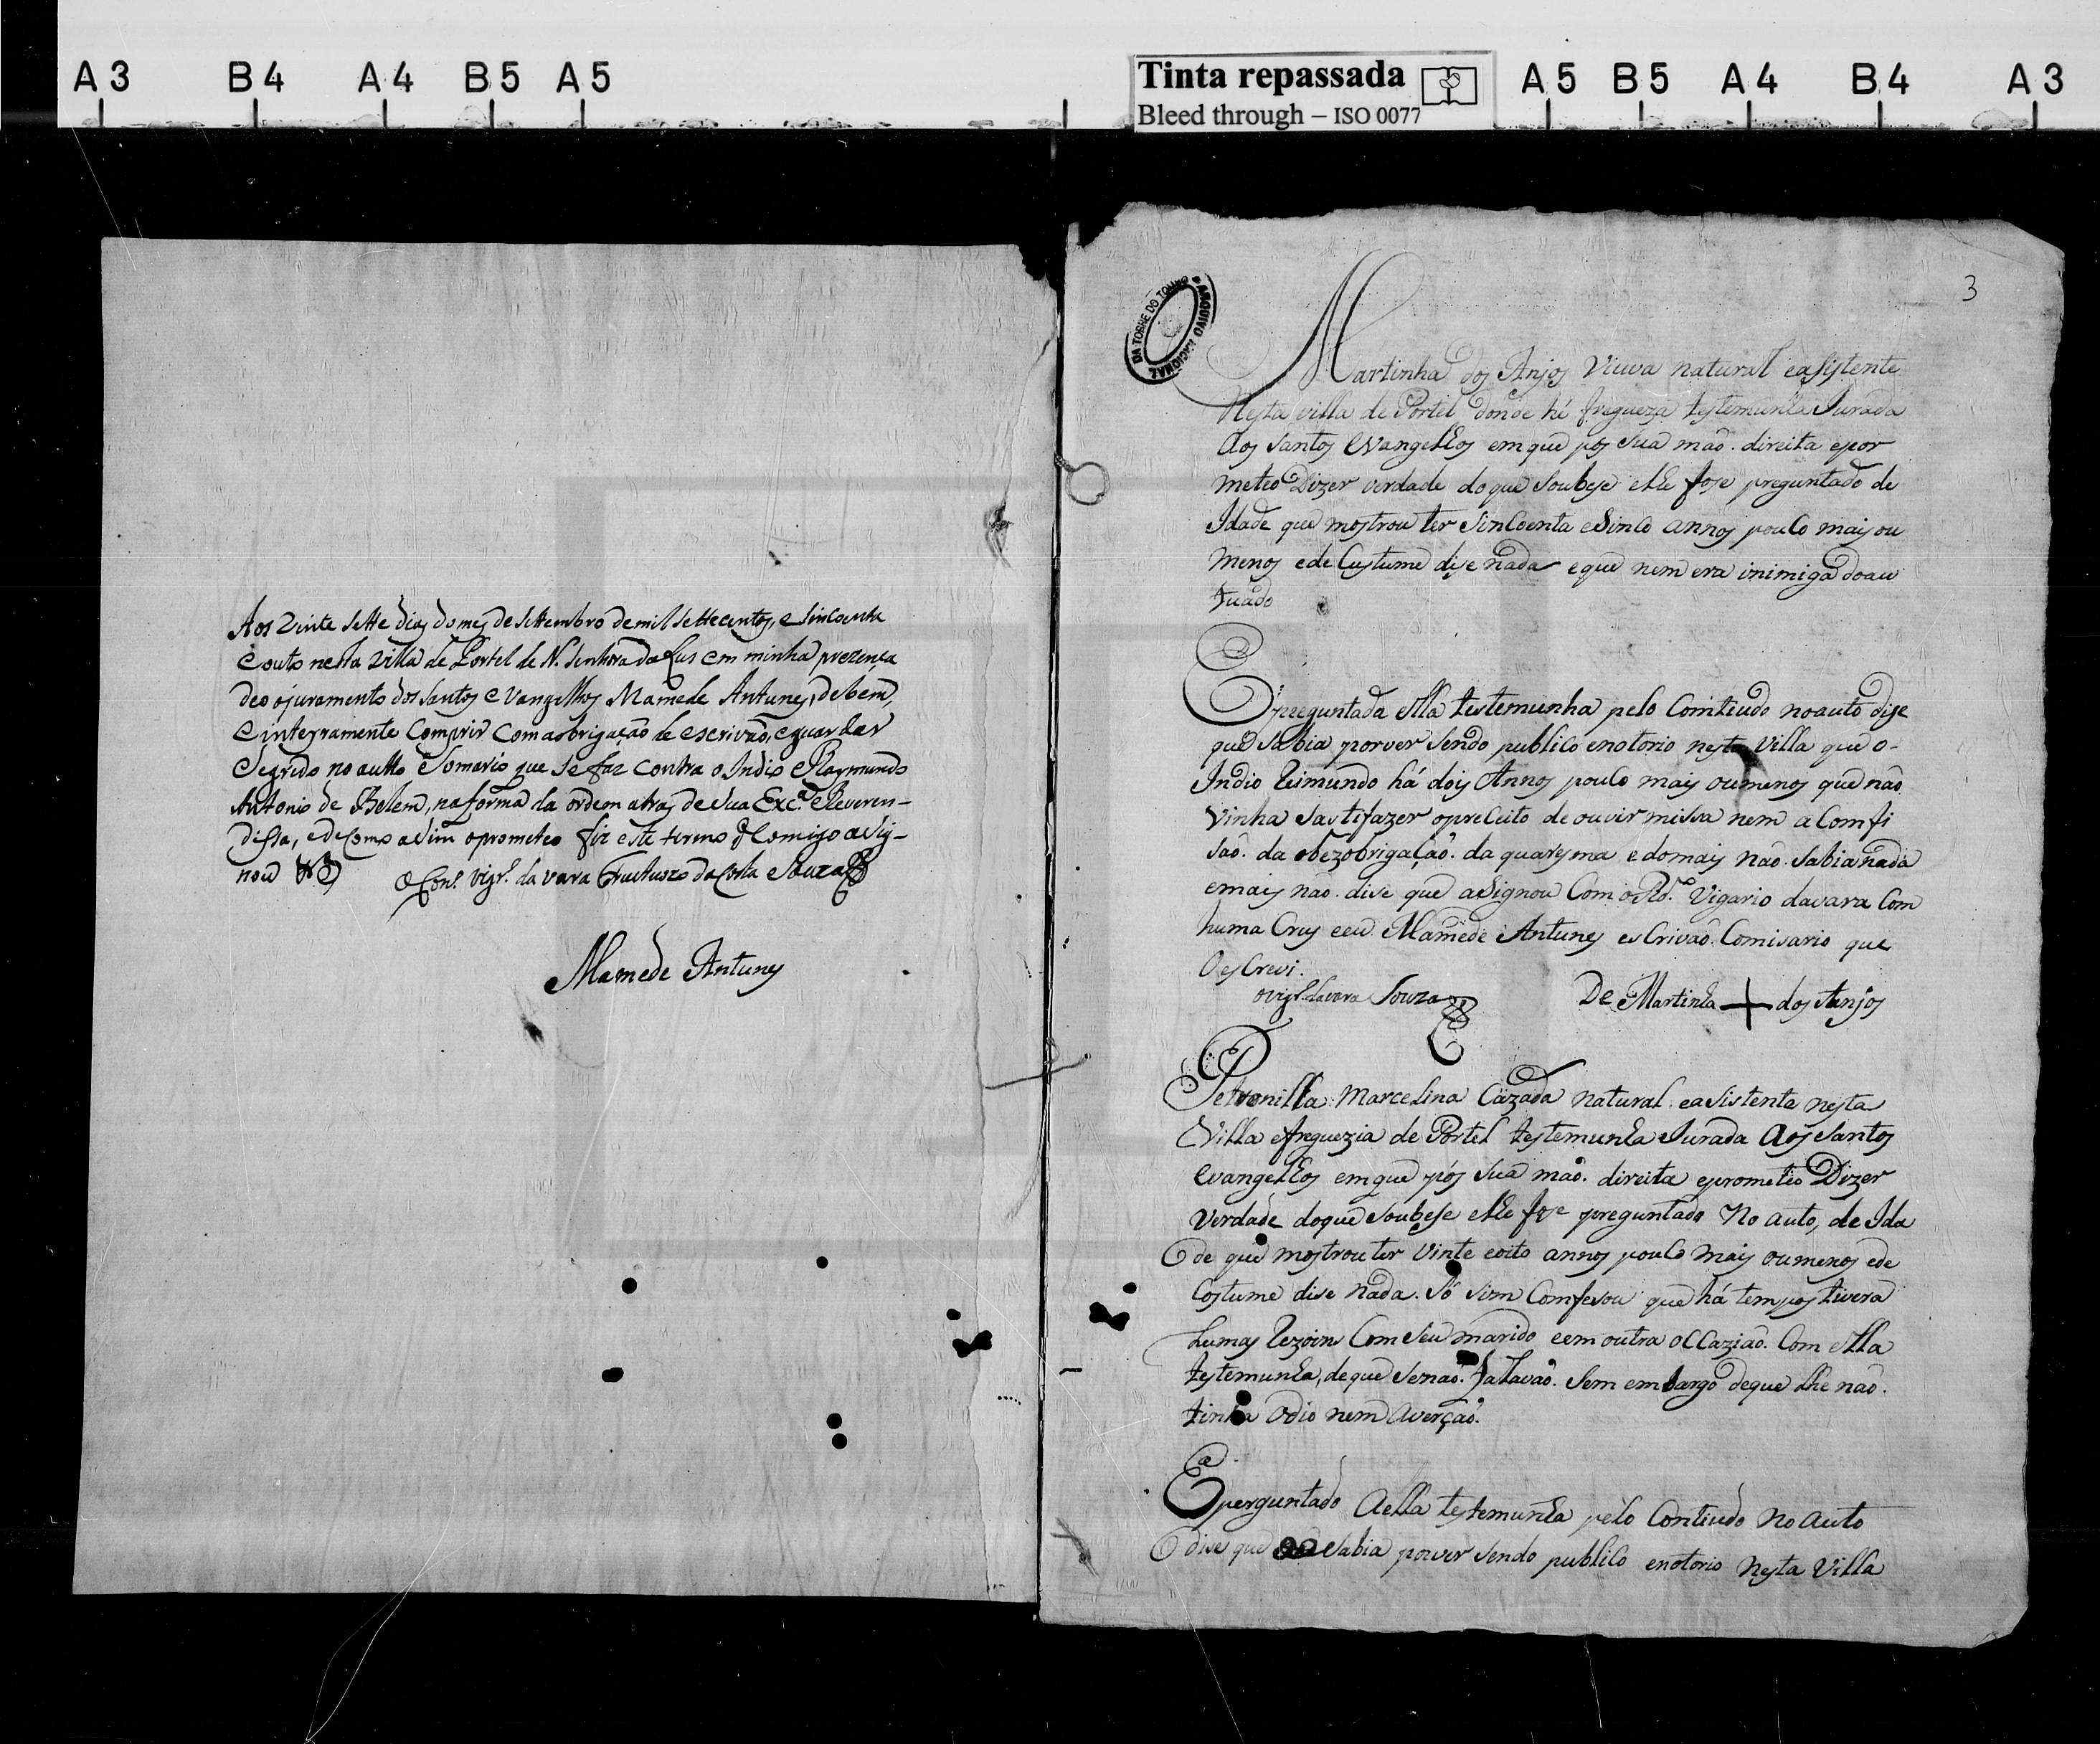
Aos vinte sette dias do mes de settembro de mil settecentos, e sincoenta
E outo nesta Villa de Portel de N. Senhora da Lus em minha prezença
deo o juramento dos Santos evangelhos Mamede Antunes, de bem,
E inteyramente Comprir com a obrigaçaõ de escrivaõ, e guardar
Segredo no autto Somario que se faz contra o Indio Raymundo
Antonio de Belem, na forma da ordem atras de Sua Exc.a e Reveren
dissa, e de Como asim o prometeo fiz este termo q̄ Comigo asig
nou
O Con.o vigr.o da vara Fructuozo da Costa e Souza
Mamede Antunes
Martinha dos Anjos Viuva natural e asistente
Nesta villa de Portel donde hé fregueza testemunha Iurada
Aos Santos Evangelhos, em que pos sua maõ. direita e por
meteo Dizer verdade do que soubese e lhe fose preguntado de
Idade que mostrou ter sinCoenta e SinCo annos pouco mais ou
menos, e de Custume dise nada, e que nem era inimiga do au
tuado
E preguntada ella testemunha pelo Comteudo no auto dise
que sabia por ver sendo publico e notorio nest_ Villa que o
Indio Reimundo há dois Annos pouco mais ou menos que naõ
vinha Sastifazer o preCeito de ouvir missa nem a Comfi
saõ. da obezobrigaÇaõ. da quaresma, e do mais naõ sabia nada
e mais naõ dise que aSignou Com o Rd.o Vigario da vara Com
huma Crus e eu Mamede Antunes esCrivaõ Comisario que
O esCrevi.
o vigr.o da vara Souza
De Martinho + dos Anjos
Petronilha Marcelina Cazada natural e asistente nesta
Villa e freguezia de Portel testemunha Iurada Aos Santos
evangelhos em que pos sua maõ. direita e prometeo Dizer
verdade do que soubese, e lhe fose preguntado no auto, de Ida
de que mostrou ter vinte e oito annos pouco mais ou menos, e de
Costume dise nada. só sim Comfesou que há tempos tivera
humas Rezoins Com seu marido e em outra oCCaziaõ. Com ella
testemunha, de que se naõ. falavaõ; sem embargo de que lhe naõ.
tin_a odio nem Averçaõ.
E perguntado A ella testemunha pelo Contiudo no auto
dise quo _ Sabia por ver sendo publico e notorio nesta Villa
